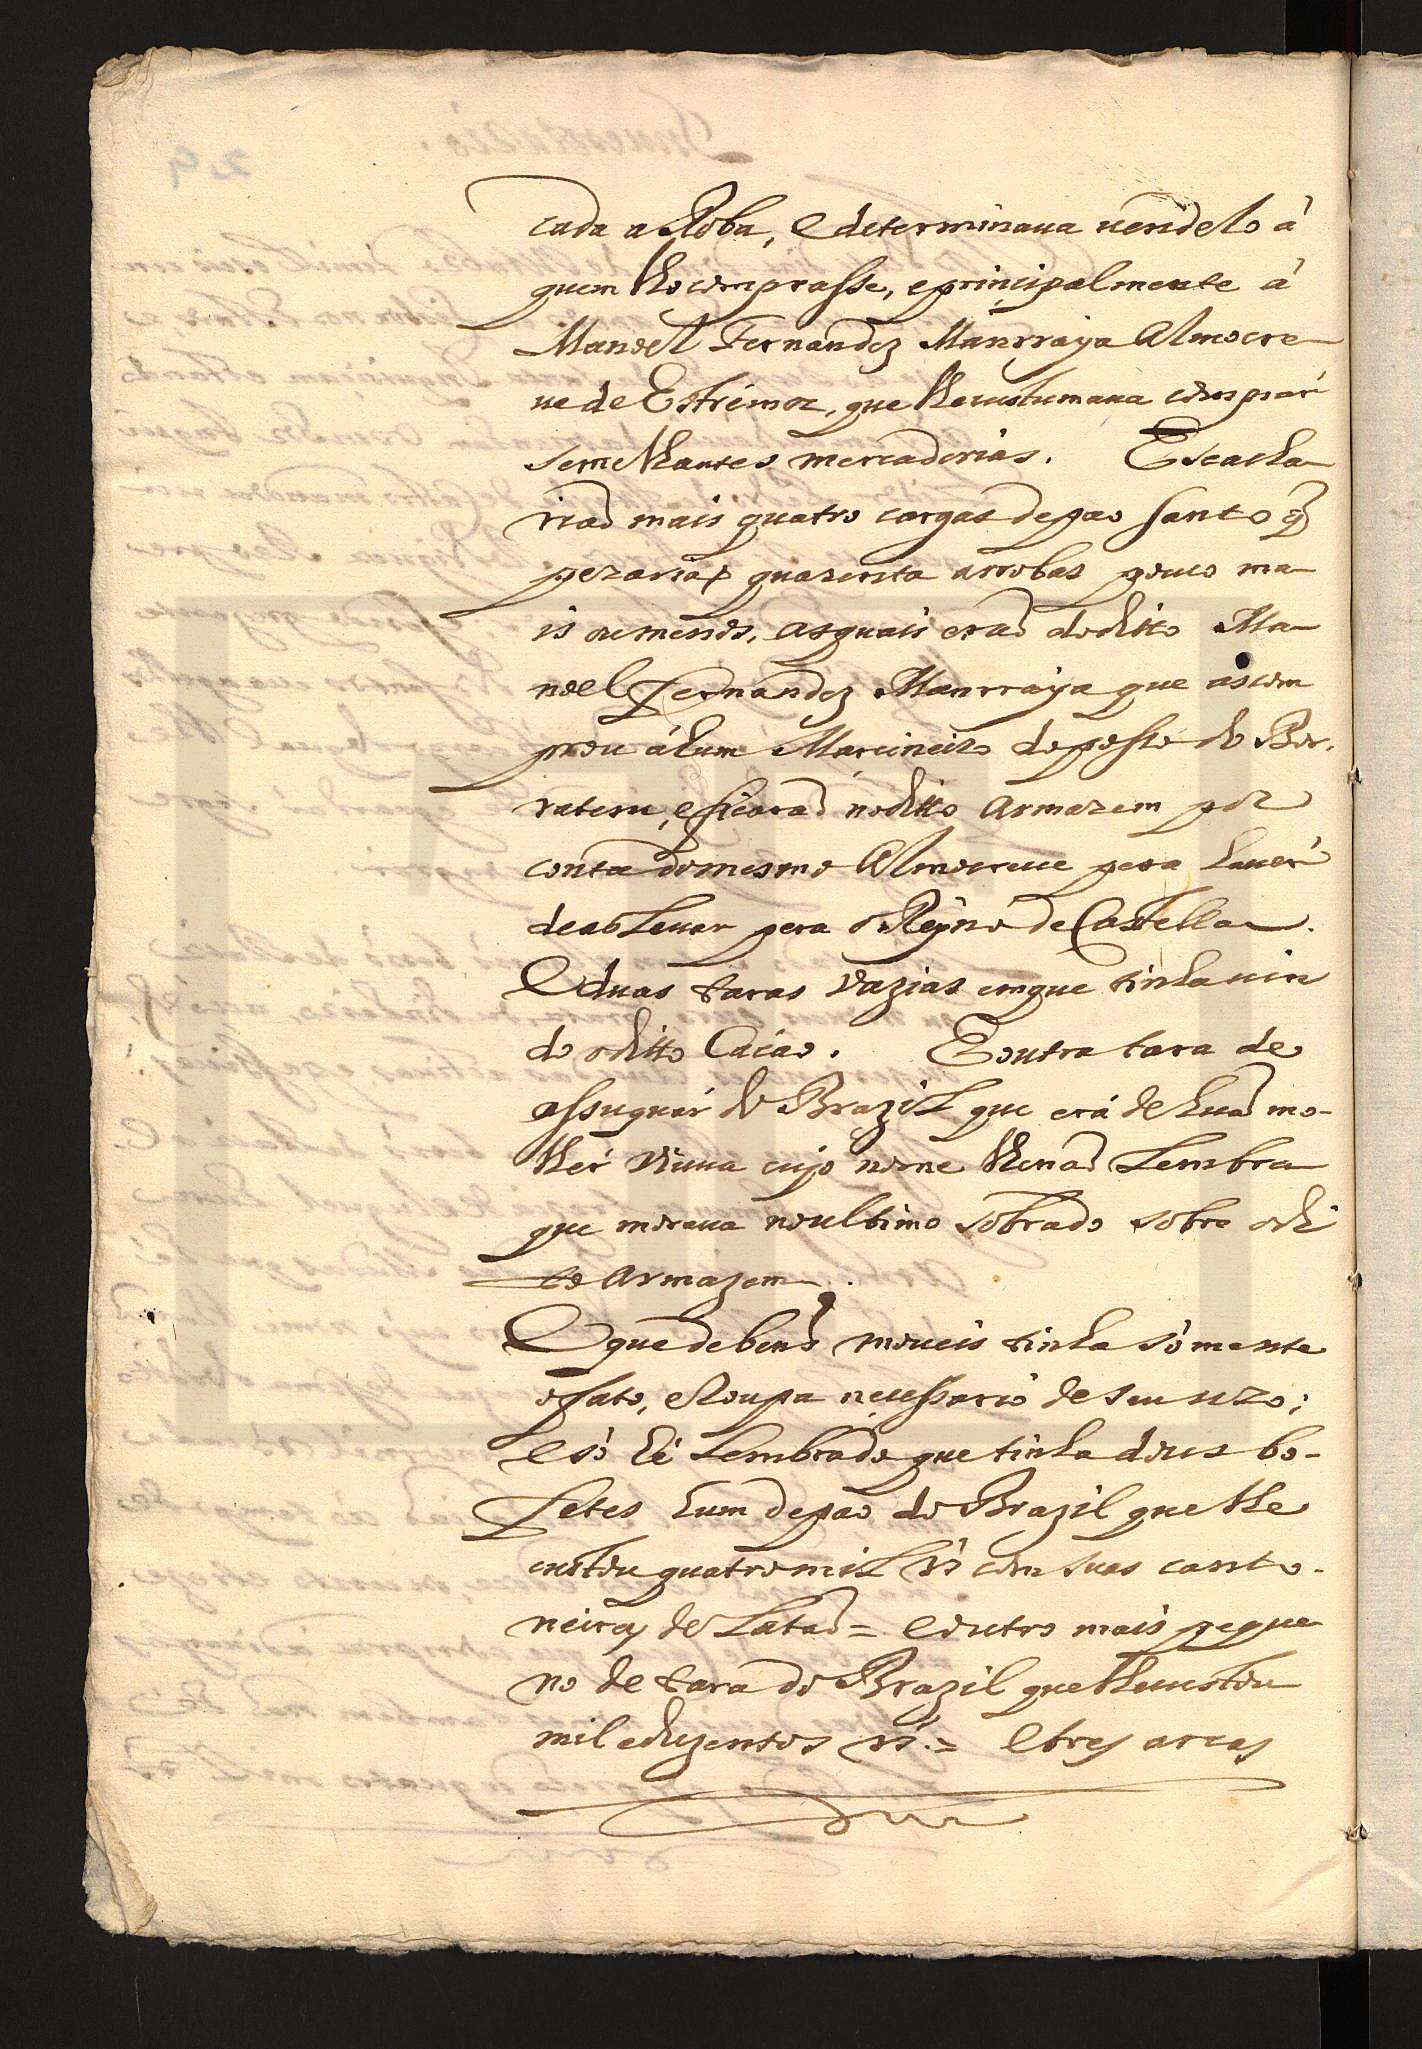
cada aRoba, e determinaua uendelo à
quem lho comprasse, e prinçipalmente à
Manoel Fernandez Manrraya Almocre
ue de Estrémoz, que lhe custumaua comprar
semelhantes mercadorias. E se acha
riaõ mais quatro cargas de pao santo q̄
pezariaõ quarenta arrobas pouco ma
is ou menos, as quais eraõ do ditto Ma
noel fernandez Manrraya que as com
prou á hum Marcineiro do posso do Bor
ratem, e ficaraõ no ditto armazem por
conta do mesmo Almocreue pera hauerē
de as Leuar pera o Reyno de Castella
E duas taras vazias con que tinha uin
do o ditto Cacáo. E outra tara de
assuquar do Brazil que era de huā mo
lher viuua cujo nome lhe naõ Lembra
que moraua no ultimo sobrado sobre o di
to armazem.
E que de beñs moueis tinha sómente
o fato, e Roupa neçessario de seu uzo;
e só hé Lembrado que tinha dous bo
fetes hum de pao do Brazil que lhe
custou quatro mil rs̄ com suas canto
neiras de Lataõ = e outro mais peque
no de tara do Brazil que lhe custou
mil e duzentos rs̄ = E tres arcas
